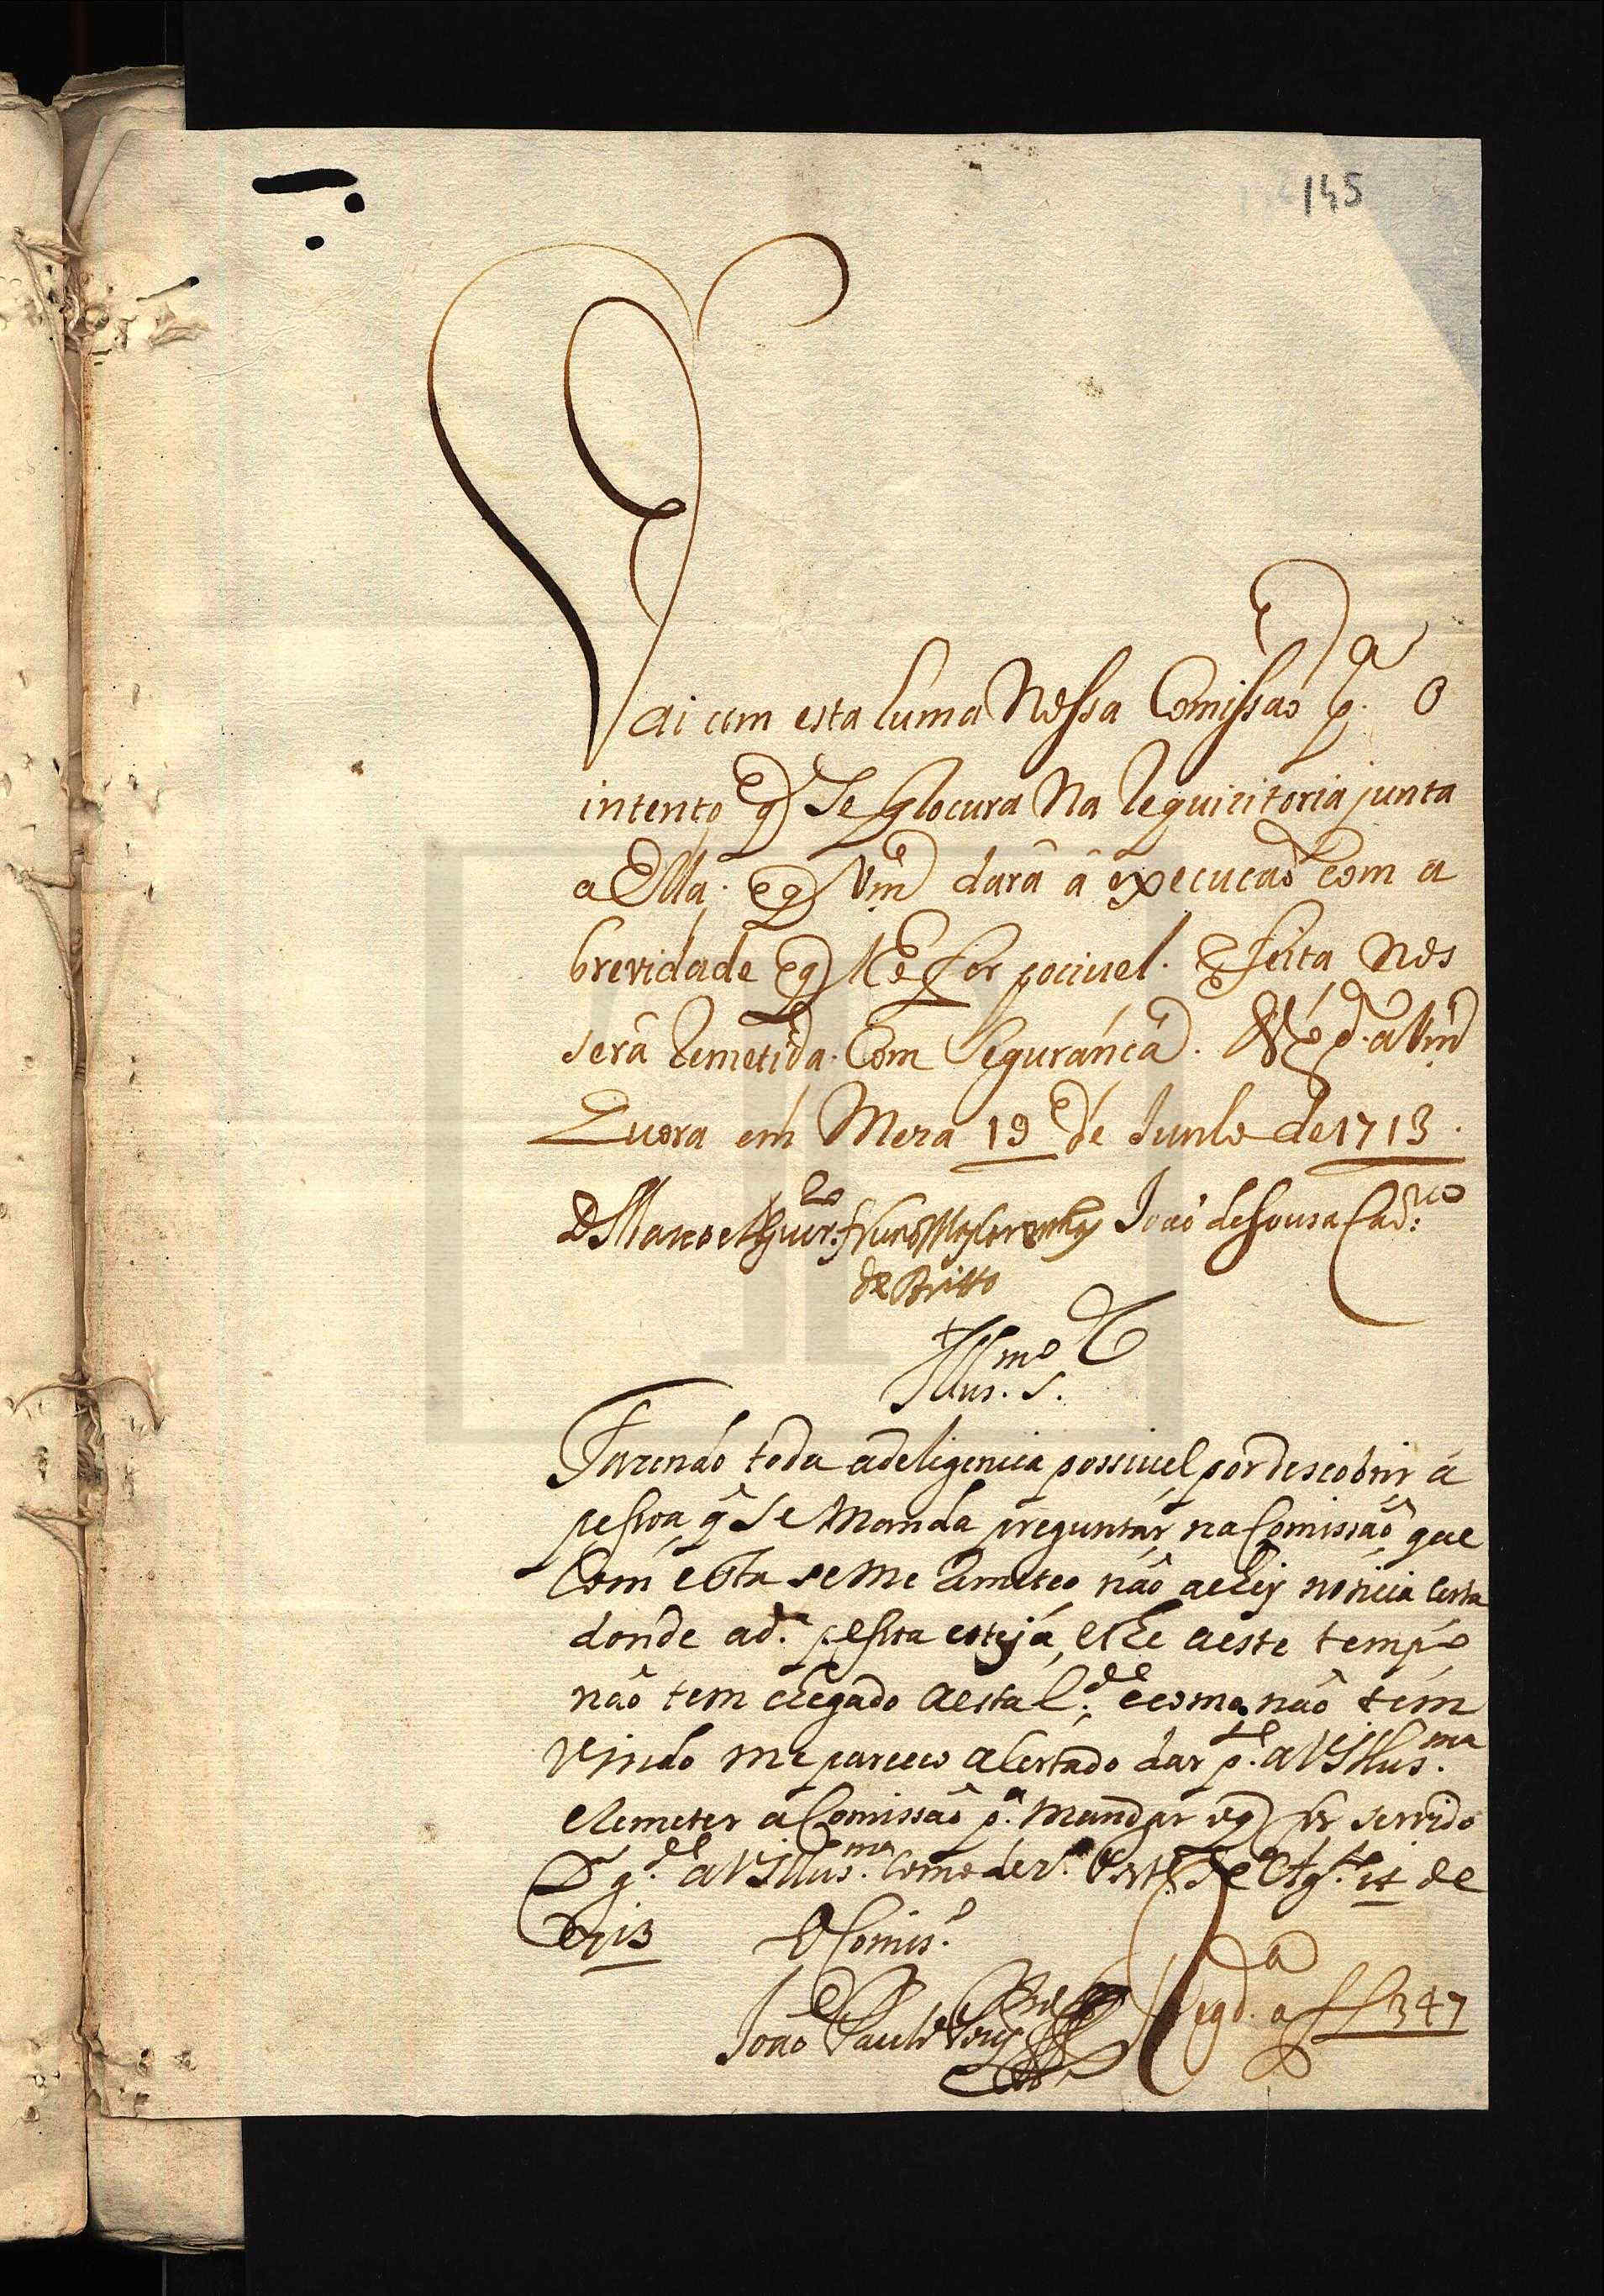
vai com esta huma nossa Comissão p.a o
intento q̄ se procura na Requizitoria junta
a Ela. e q̄ Vme dará á execuçaõ com a
brevidade q̄ lhe for pociuel. E feita nos
será Remetida Com Segurança. Ds g.de a Vm̄
Euora em Meza 19 de Iunho de 1713
de Manoel Guer.o Nuno MasCarnhas Ioaõ de sousa Car.uo
de Britto
Illus.mo s.
Fazendo toda a deligencia possiuel por descobrir a
pessoa q̄ se manda preguntar na Comissaõ, que
Com esta se me Remeteo, naõ achey noticia certa
donde a d.a pessoa esteja, e the a este tempo
naõ tem chegado a esta C.de e como naõ tem
vindo me pareceo aCertado dar p.te a VSIllus.ma
e Remeter a Comissaõ p.a mandar o q̄ for servido
Ds g.de a VSIllus.ma como dez.o este de Ag.to 14 de
17i3
O Comis.o
Ioaõ Paulo Prq.ne
Reg. a fl 347
